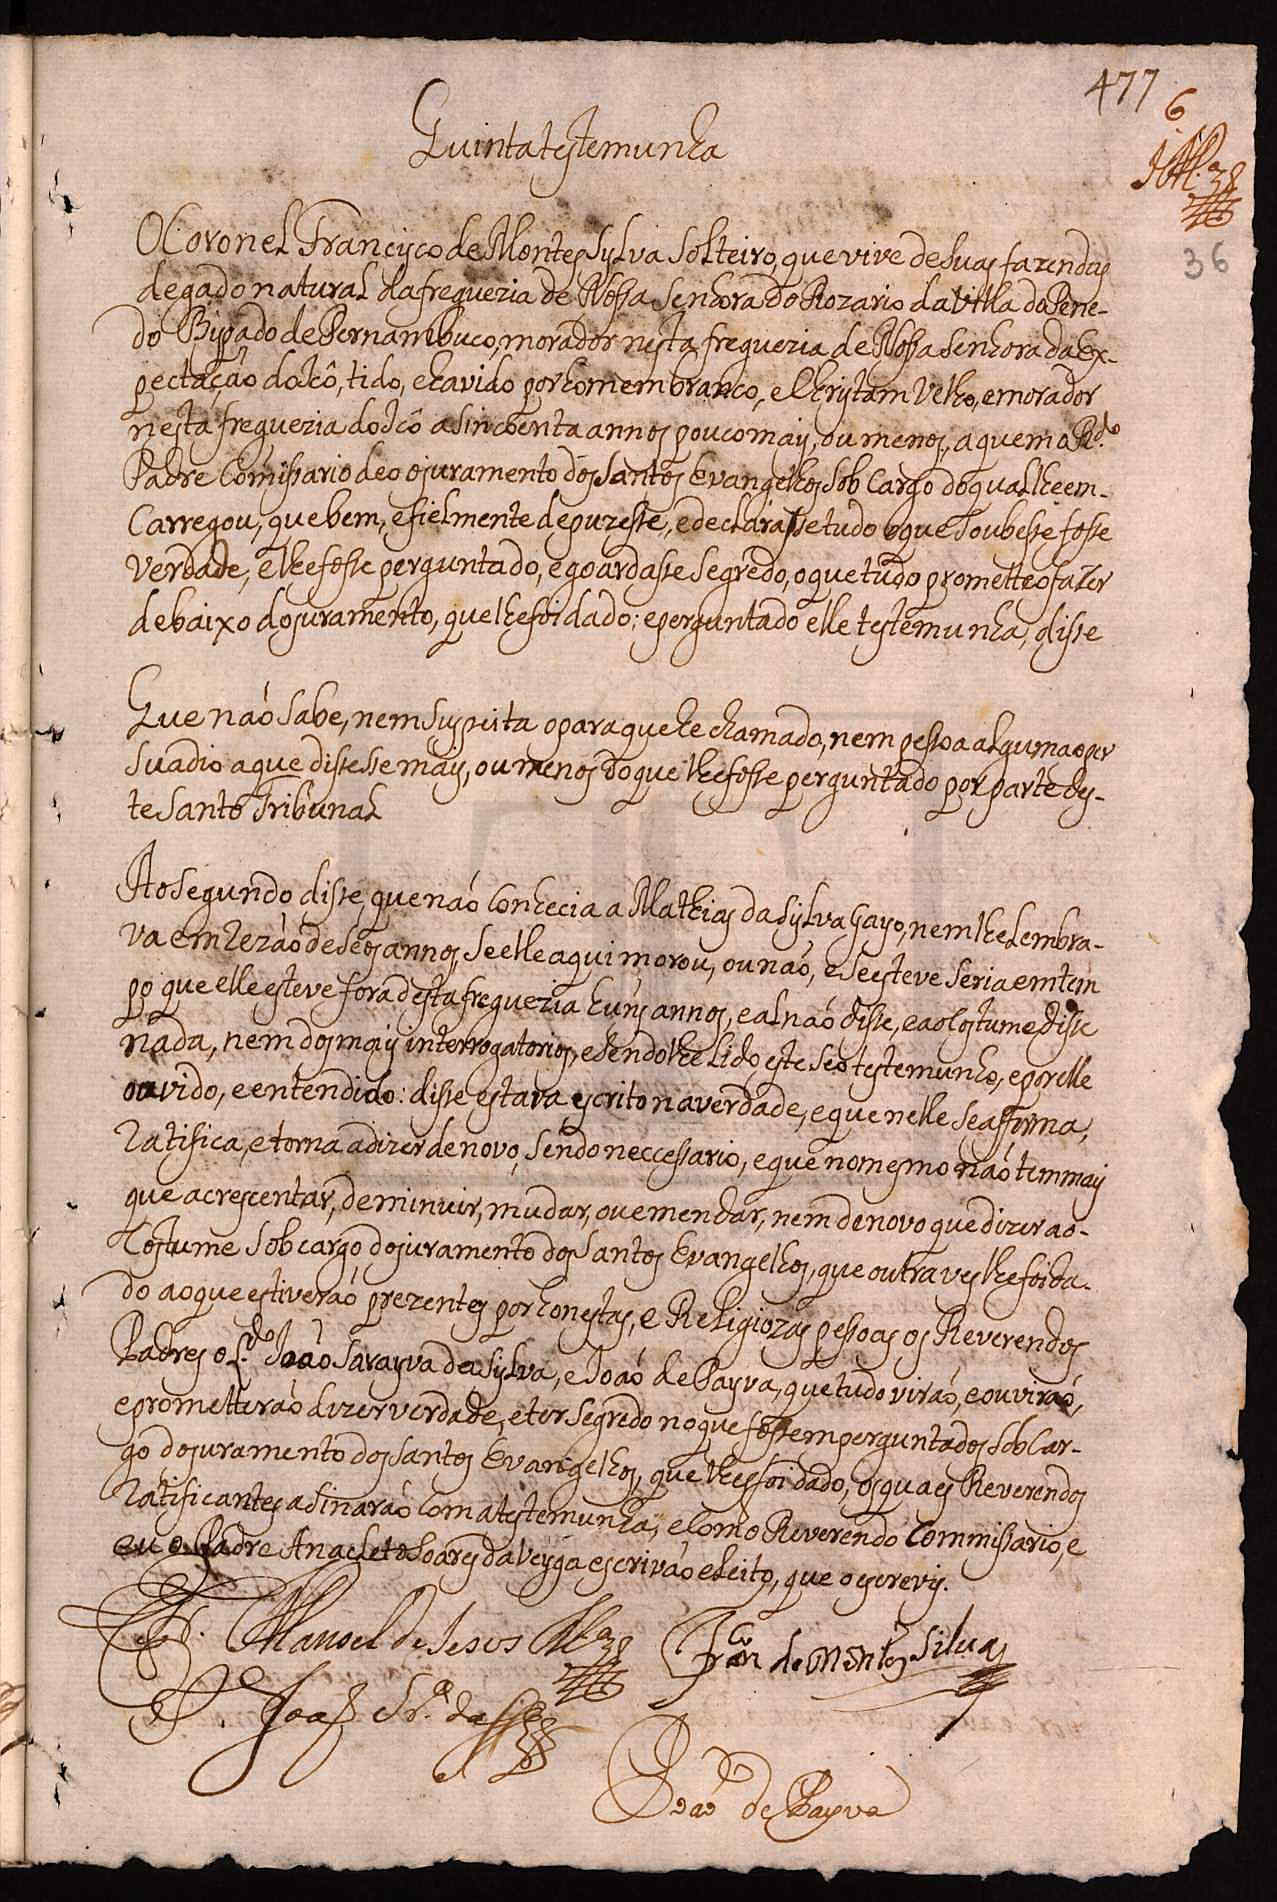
4776
Quinta testemunha
O Coronel Francisco de Montes Sylva Solteiro, que vive de Suas fazendas
de gado natural da freguezia de Nossa Senhora do Rozario da villa do Pene
do Bispado de Pernambuco, morador nesta freguezia de Nossa Senhora da Ex
pectação do Icô, tido, e havido por homem branco, e Christam velho, e morador
nesta freguezia do Icô a sincoenta annos pouco mais, ou menos, a quem o R.do
Padre Comissario deo o juramento dos Santos Evangelhos sob cargo do qual lhe em
Carregou, que bem, e fielmente depuzesse, e declarasse tudo o que soubesse fosse
verdade, e lhe fosse perguntado, e goardasse segredo, o que tudo prometteo faZer
debaixo do juramento, que lhe foi dado; e perguntado elle testemunha, disse
Que naõ sabe, nem suspeita o para que he chamado, nem pessoa alguma o per
suadio a que dissesse mais, ou menos do que lhe fosse perguntado por parte des
te Santo TribunaL
Ao segundo disse, que naõ conhecia a Mathias da Sylva Gayo, nem lhe Lembra
va em rezaõ de seos annos, se elle aqui morou, ou naõ, e e esteve seria em tem
po que elle esteve fora desta freguezia huns annos, e al naõ disse, e ao costume disse
nada, nem dos mais interrogatorios, e sendolhe lido este seo testemunho, e por elle
ouvido, e entendido; disse estava escrito na verdade, e que nelle se affirma,
ratifica, e torna a dizer de novo, sendo neccessario, e que no mesmo naõ tem mais
que acrescentar, deminuir, mudar, ou emendar, nem de novo que dizer ao
Costume Sob cargo do juramento dos Santos Evangelhos, que outra ves lhe foi da
do ao que estiveraõ prezentes por honestas, e Religiozas pessoas os Reverendos
Padres o L.do Ioaõ Sarayva da Sylva, e Ioaõ de Payva, que tudo viraõ, e ouviraõ,
e prometteraõ dizer verdade, e ter Segredo no que fossem perguntados Sob Car
go do juramento dos Santos Evangelhos, que lhes foi dado, os quaes Reverendos
ratificantes asinaraõ com a testemunha, e com o Reverendo Commissario, e
eu o Padre Anacleto Soares da Veyga escrivaõ eleito, que o escrevy.
Fr. Manoel de Iesus Ma
Franco de Montes Silua
P.e Joaõ Sr.a da s
Ioaõ de Payva
